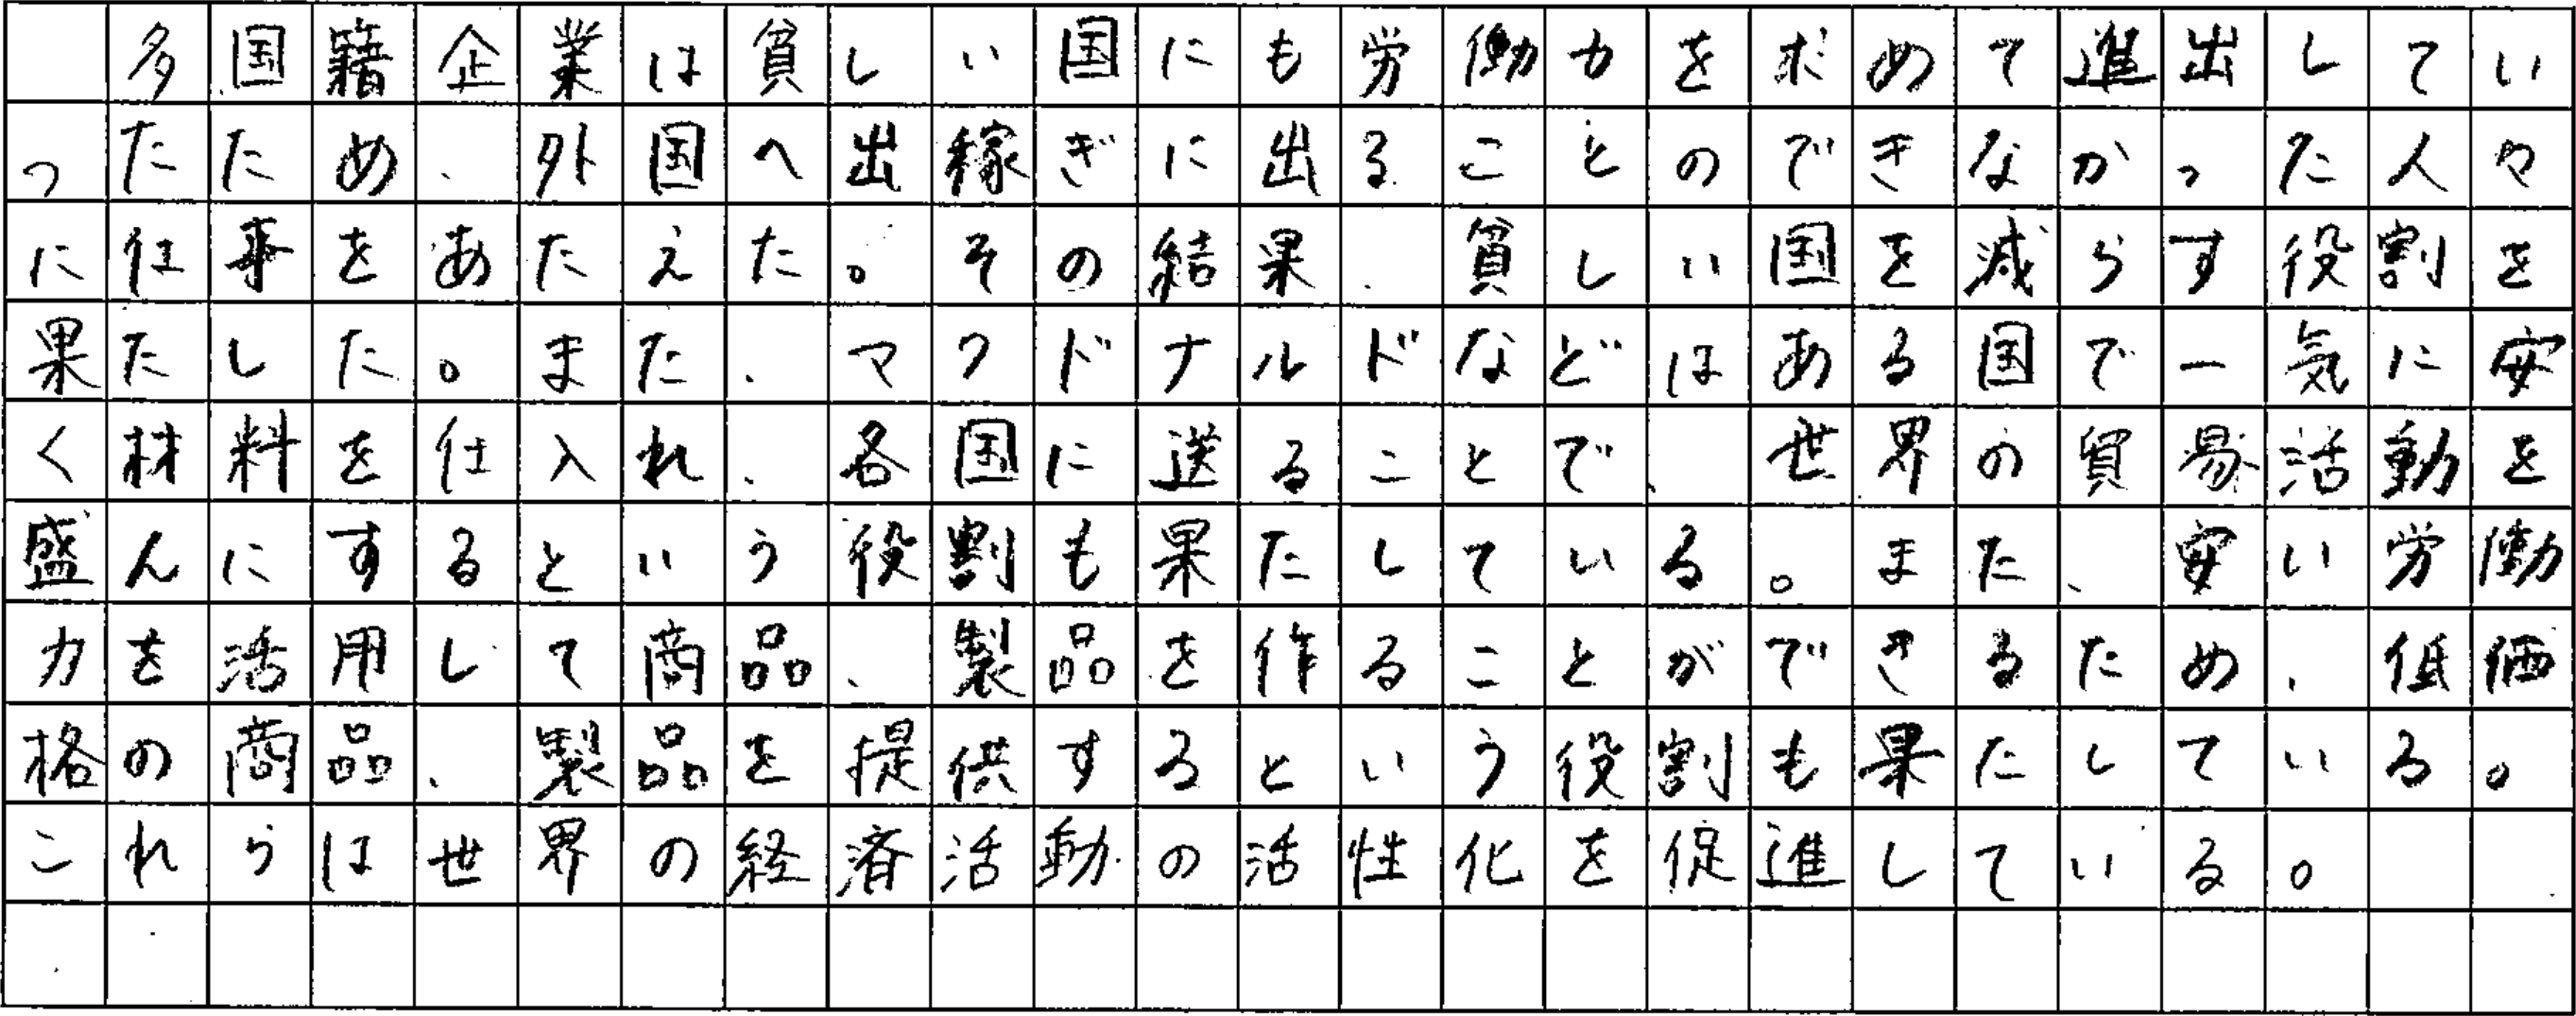　多国籍企業は貧しい国にも労働力を求めて進出していったため、外国へ出稼ぎに出ることのできなかった人々に仕事をあたえた。その結果、貧しい国を減らす役割を果たした。また、マクドナルドなどはある国で一気に安く材料を仕入れ、各国に送ることで、世界の貿易活動を盛んにするという役割も果たしている。また、安い労働力を活用して商品、製品を作ることができるため、低価格の商品、製品を提供するという役割も果たしている。これらは世界の経済活動の活性化を促進している。
